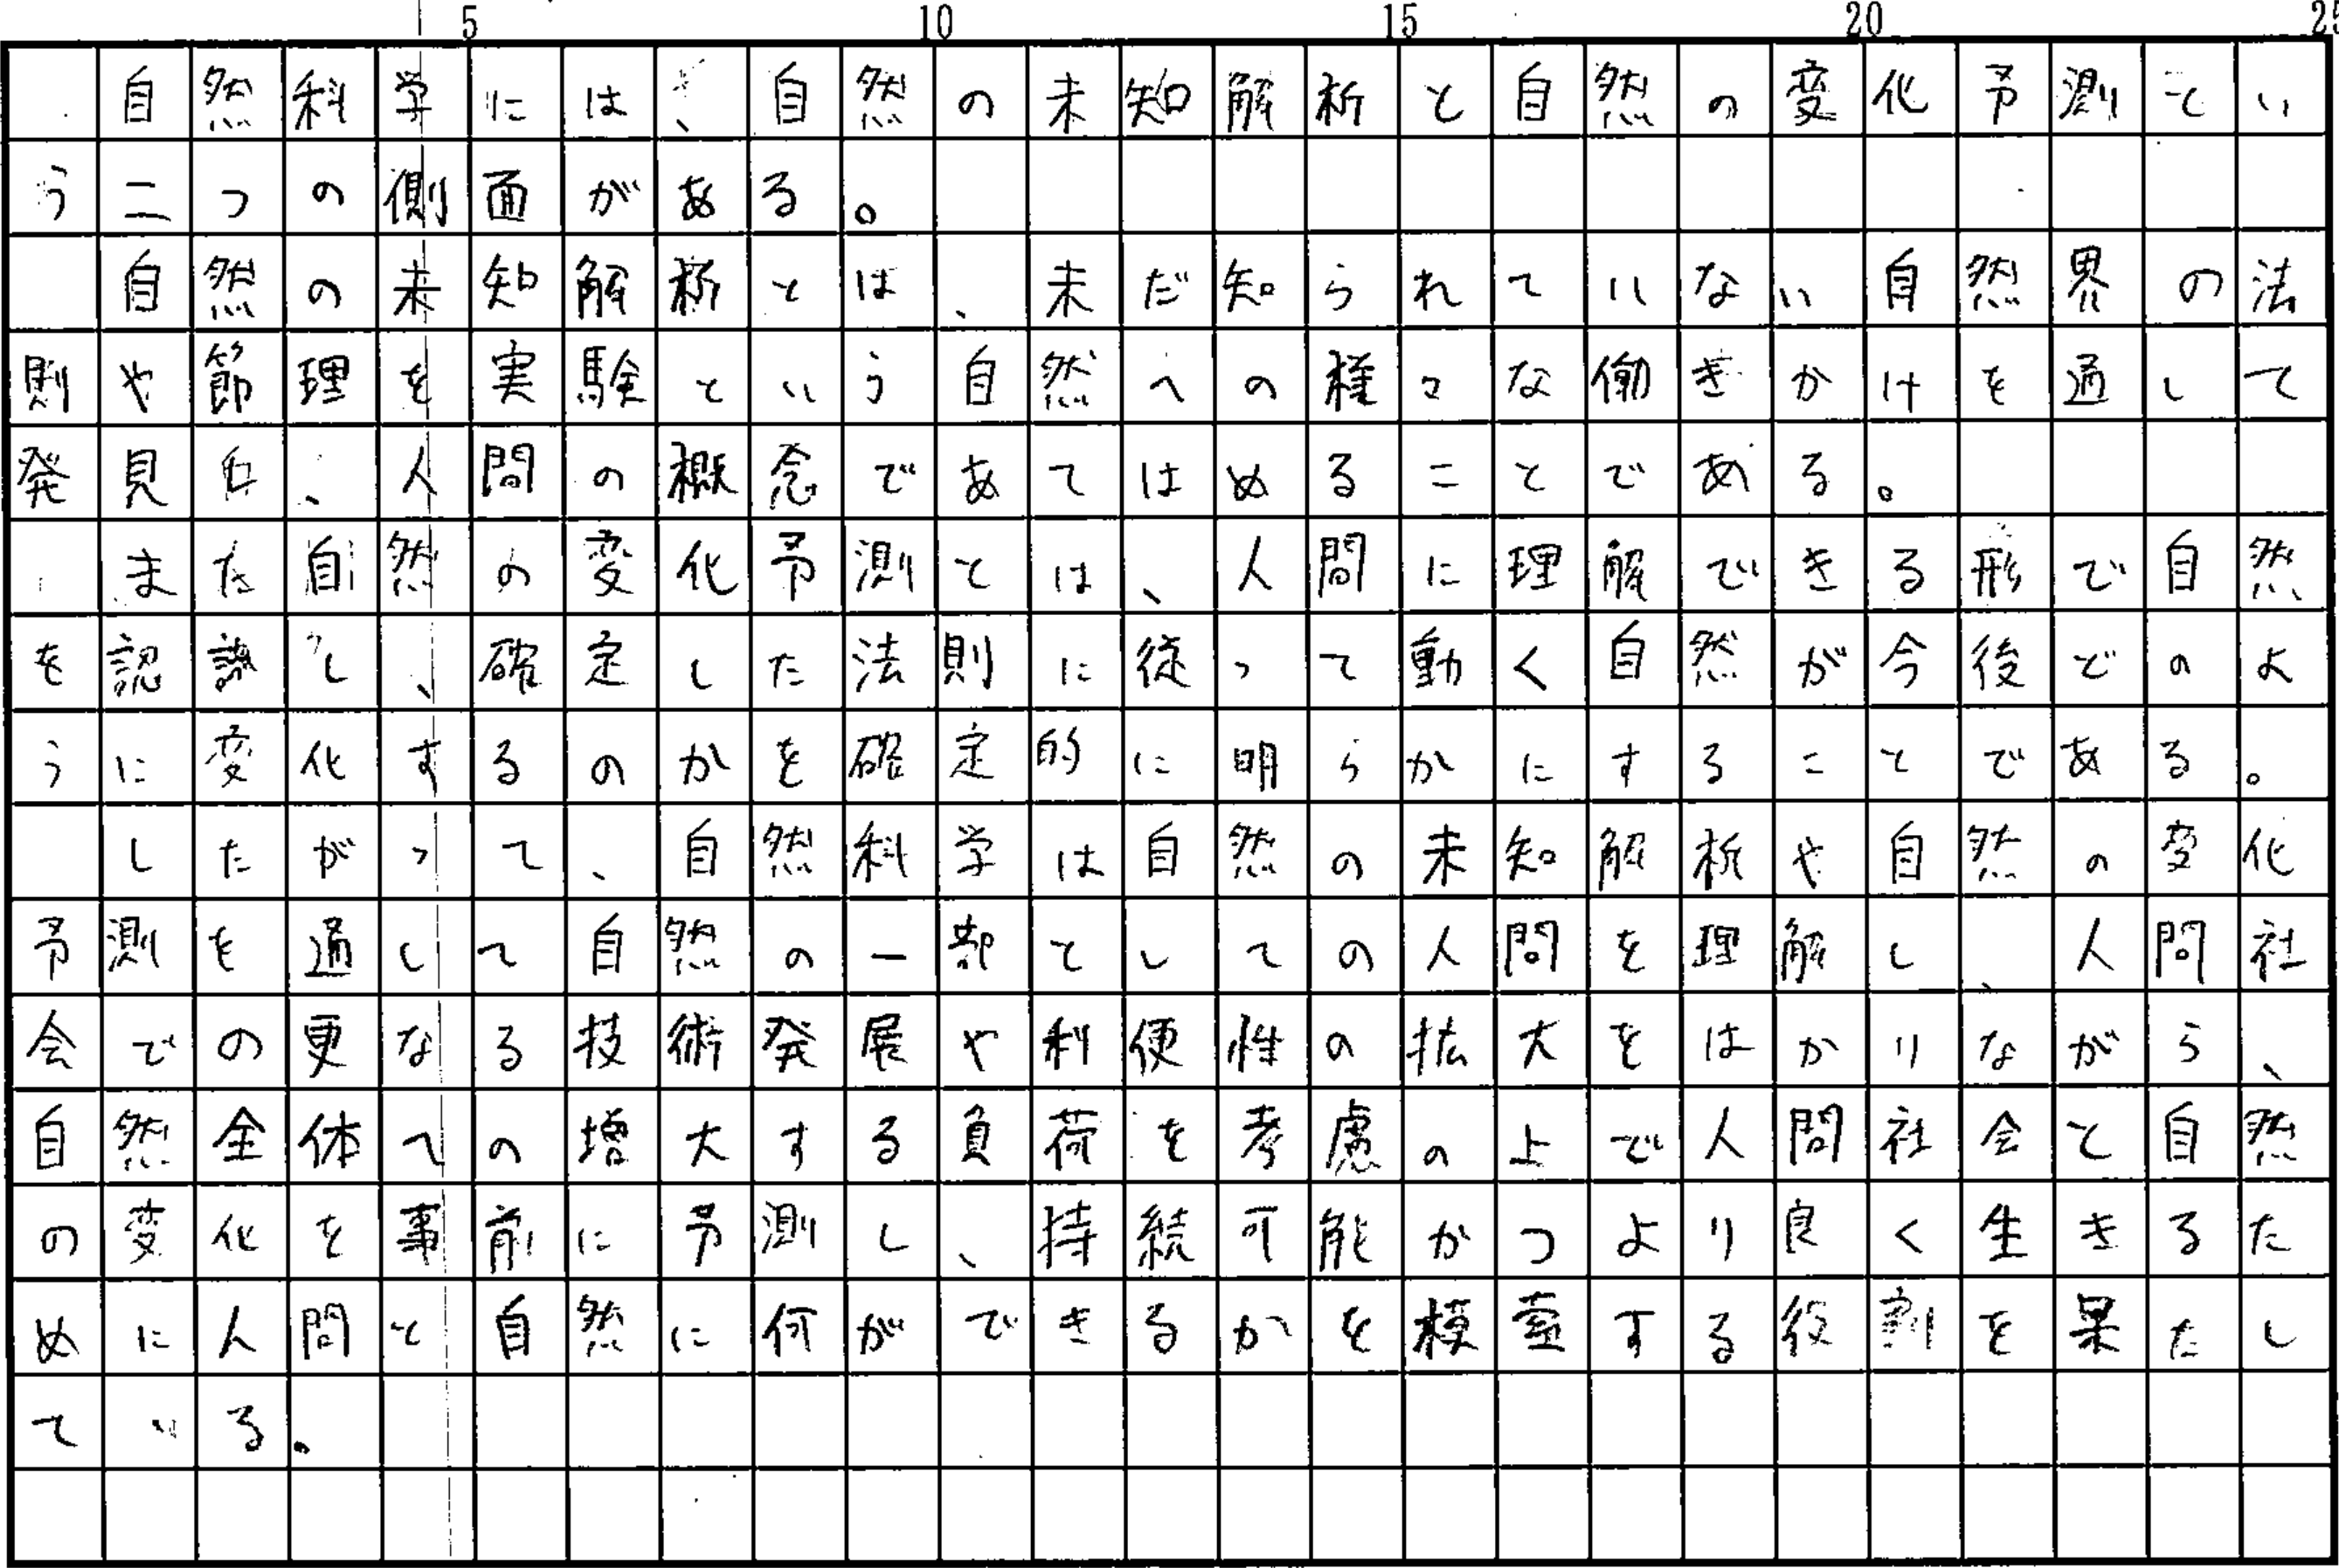　自然科学には、自然の未知解析と自然の変化予測という二つの側面がある。
　自然の未知解析とは、未だ知られていない自然界の法則や節理を実験という自然への様々な働きかけを通して発見し、人間の概念であてはめることである。
　また自然の変化予測とは、人間に理解できる形で自然を認識し、確定した法則に従って動く自然が今後どのように変化するのかを確定的に明らかにすることである。
　したがって、自然科学は自然の未知解析や自然の変化予測を通して自然の一部としての人間を理解し、人間社会での更なる技術発展や利便性の拡大をはかりながら、自然全体への増大する負荷を考慮の上で人間社会と自然の変化を事前に予測し、持続可能かつより良く生きるために人間と自然に何ができるかを模索する役割を果たしている。
